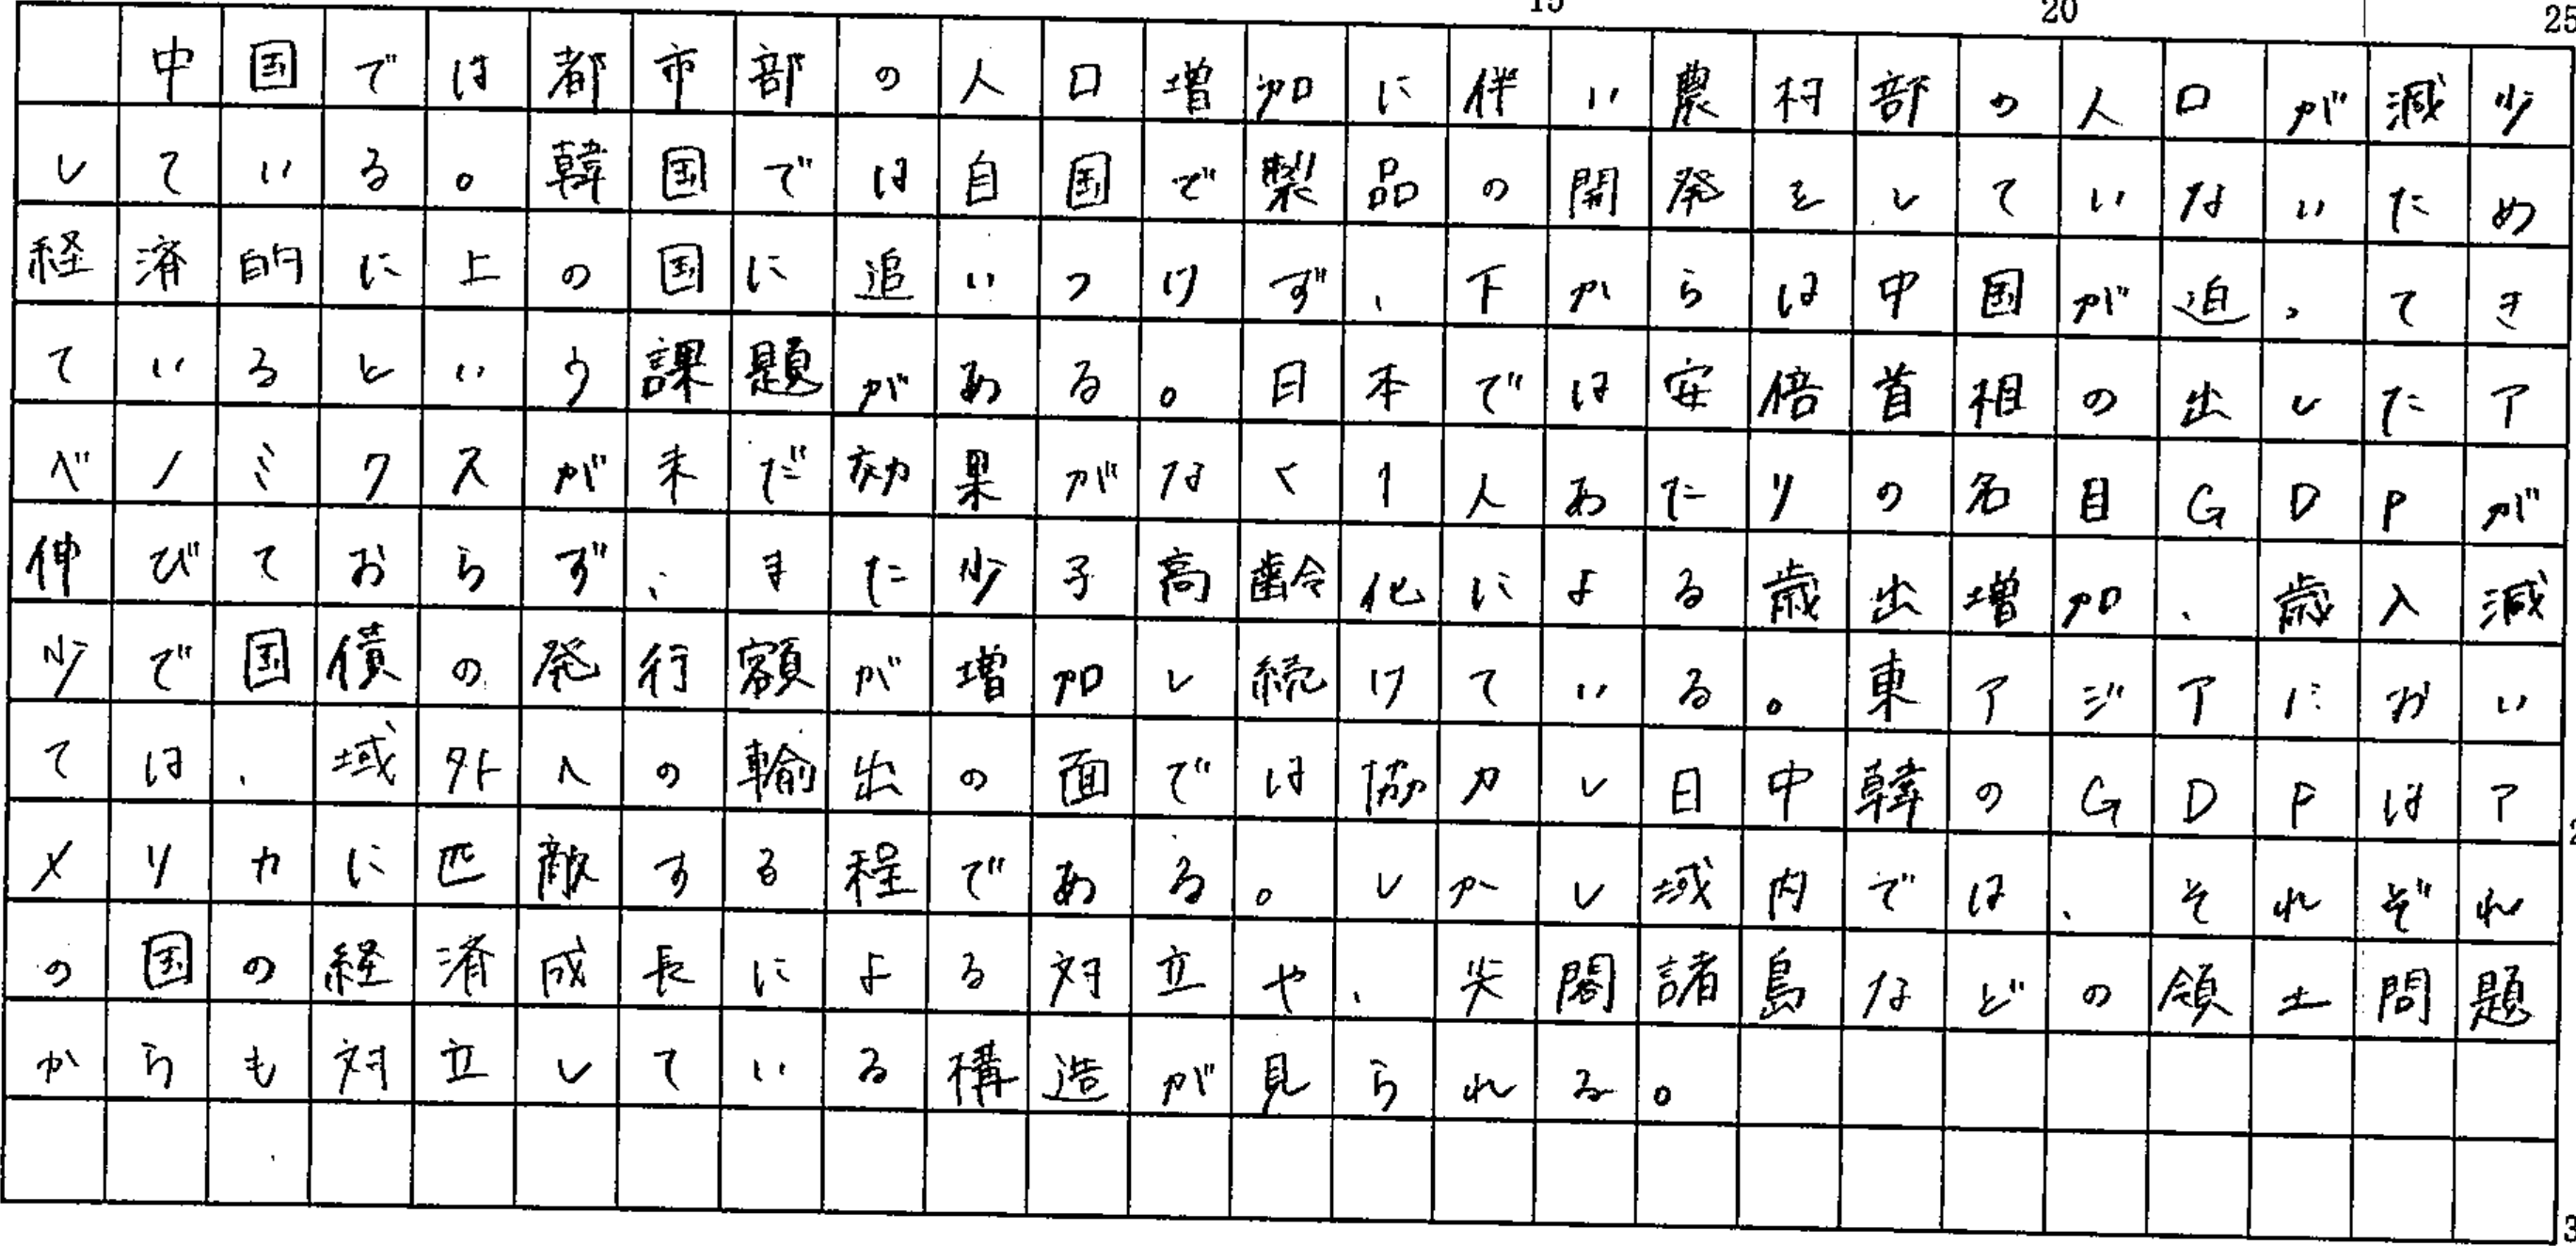　中国では都市部の人口増加に伴い農村部の人口が減少している。韓国では自国で製品の開発をしていないため経済的に上の国に追いつけず、下からは中国が迫ってきているという課題がある。日本では安倍首相の出したアベノミクスが未だ効果がなく１人あたりの名目ＧＤＰが伸びておらず、また少子高齢化による歳出増加、歳入減少で国債の発行額が増加し続けている。東アジアにおいては、域外への輸出の面では協力し日中韓のＧＤＰはアメリカに匹敵する程である。しかし域内では、それぞれの国の経済成長による対立や、尖閣諸島などの領土問題からも対立している構造が見られる。
